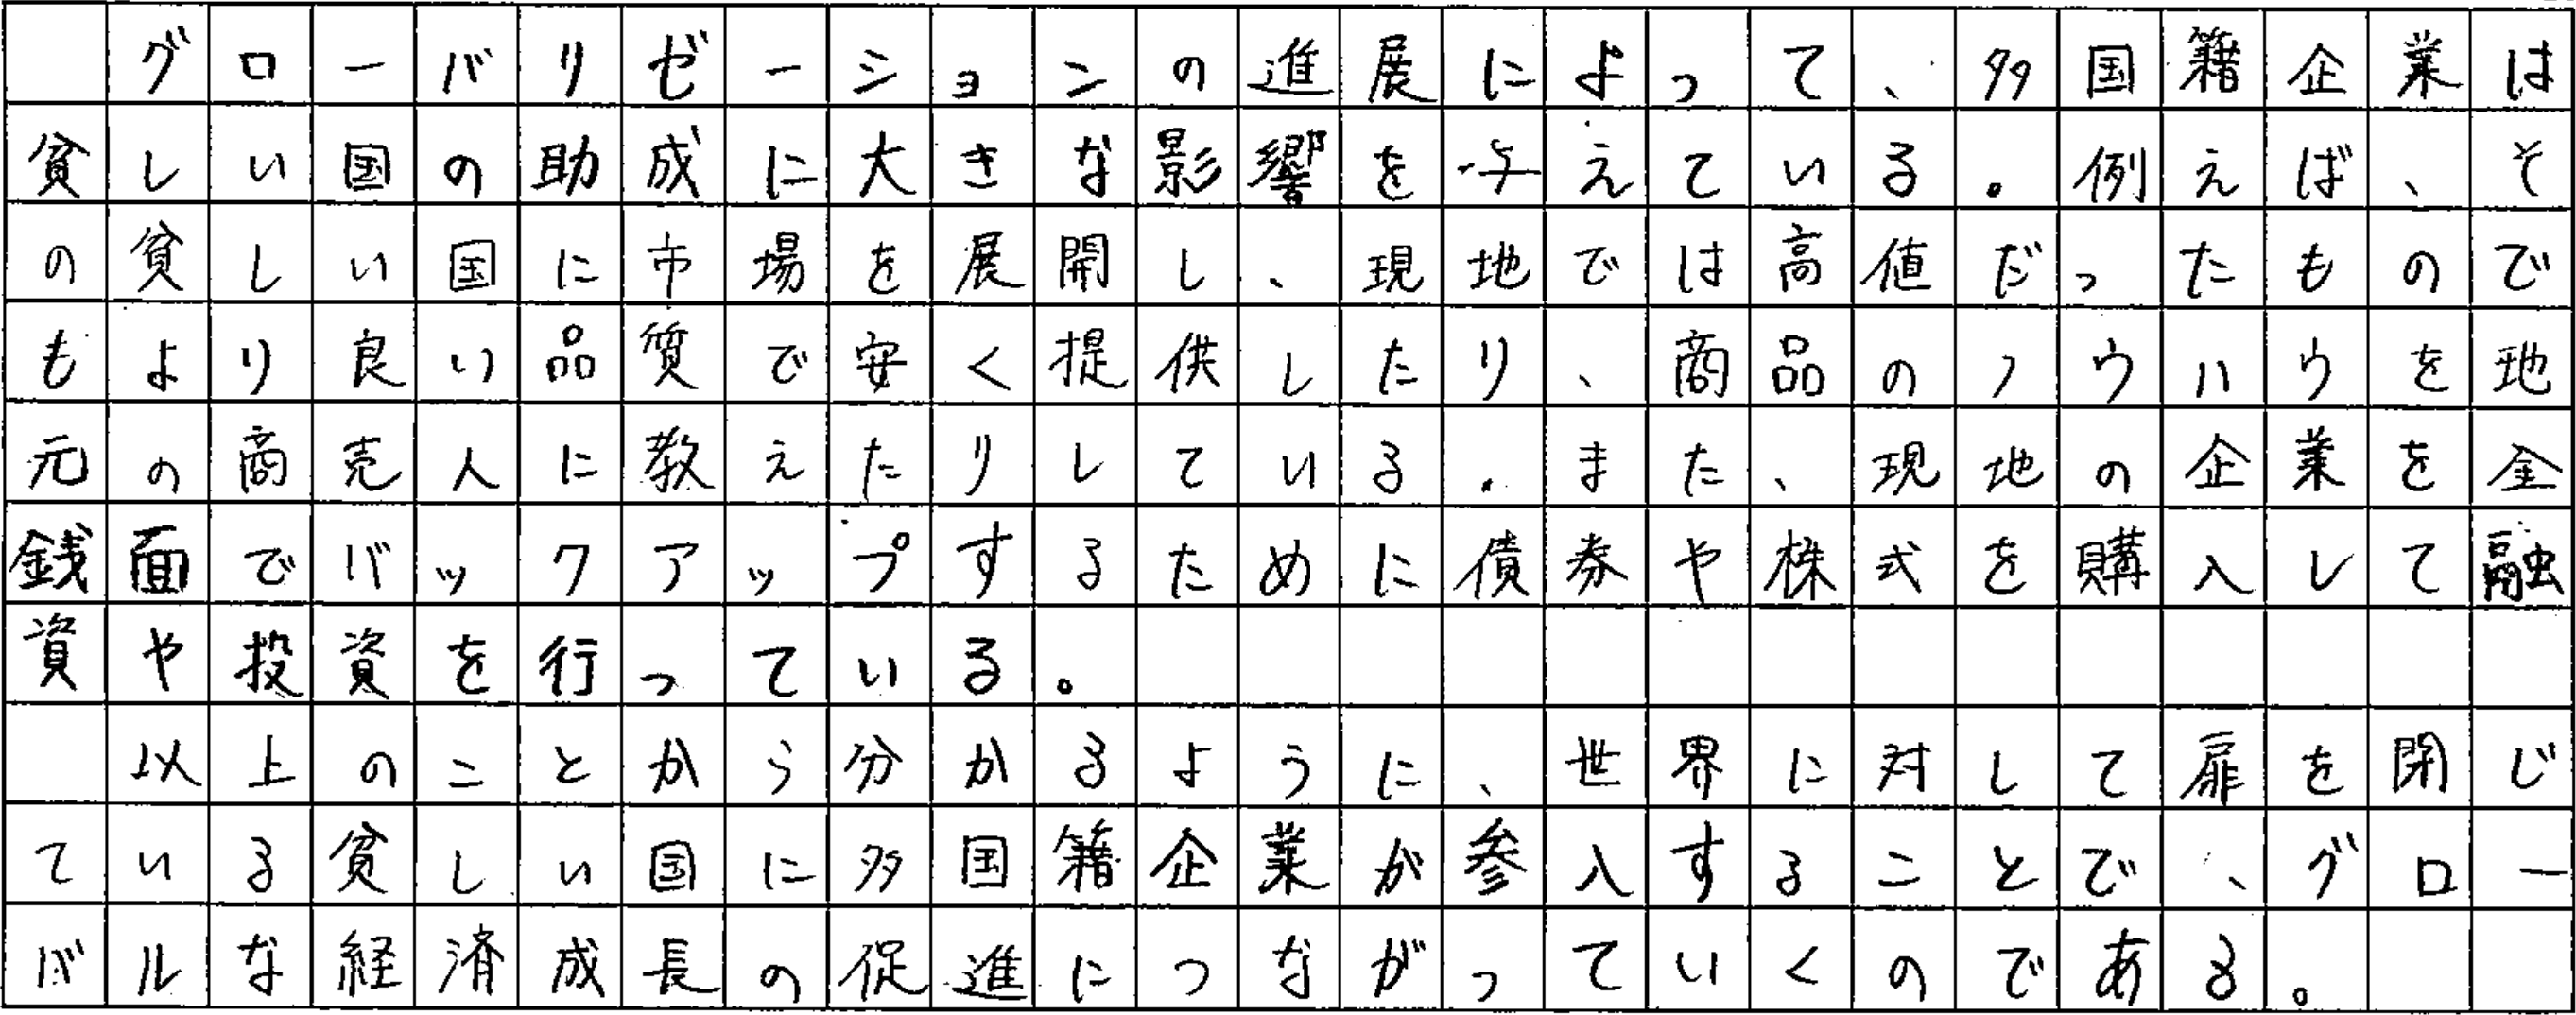　グローバリゼーションの進展によって、多国籍企業は貧しい国の助成に大きな影響を与えている。例えば、その貧しい国に市場を展開し、現地では高値だったものでもより良い品質で安く提供したり、商品のノウハウを地元の商売人に教えたりしている。また、現地の企業を金銭面でバックアップするために債券や株式を購入して融資や投資を行っている。
　以上のことから分かるように、世界に対して扉を閉じている貧しい国に多国籍企業が参入することで、グローバルな経済成長の促進につながっていくのである。
